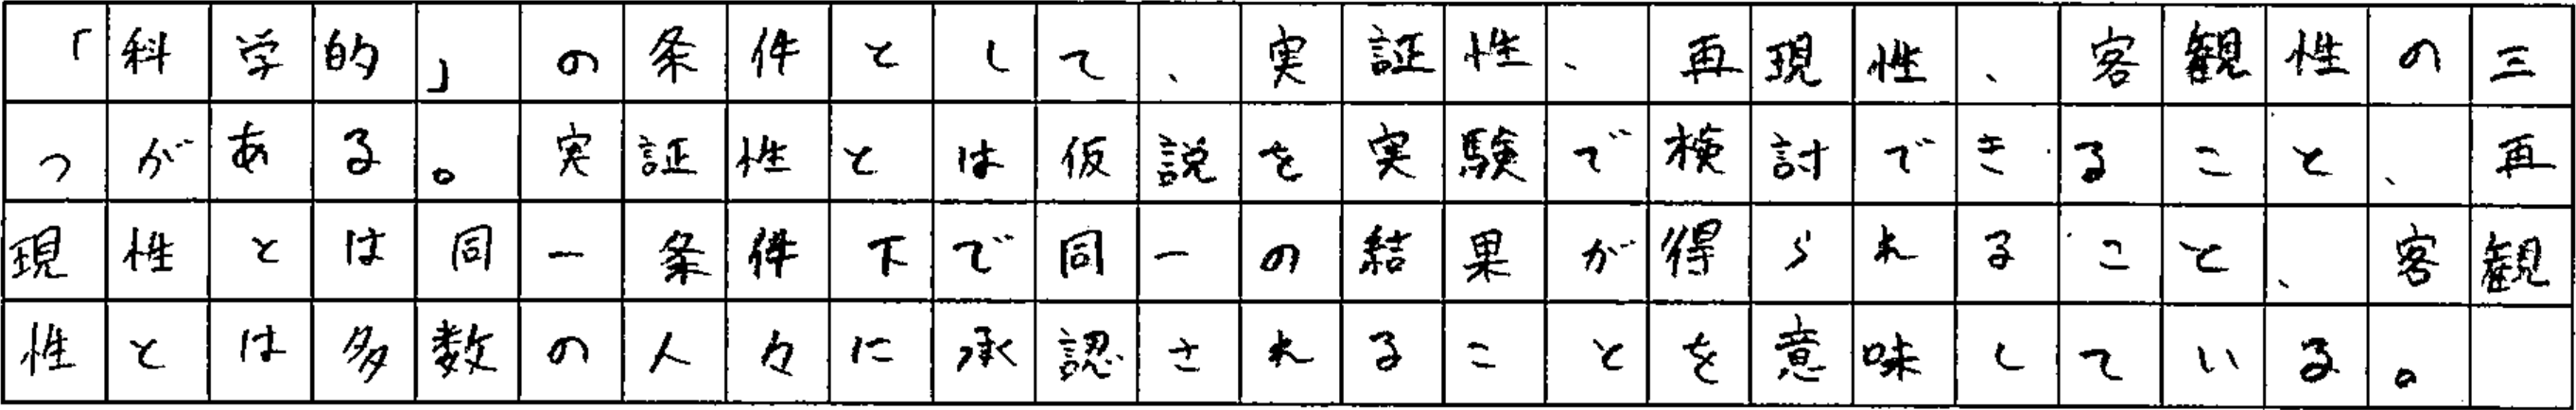「科学的」の条件として、実証性、再現性、客観性の三つがある。実証性とは仮説を実験で検討できること、再現性とは同一条件下で同一の結果が得られること、客観性とは多数の人々に承認されることを意味している。
